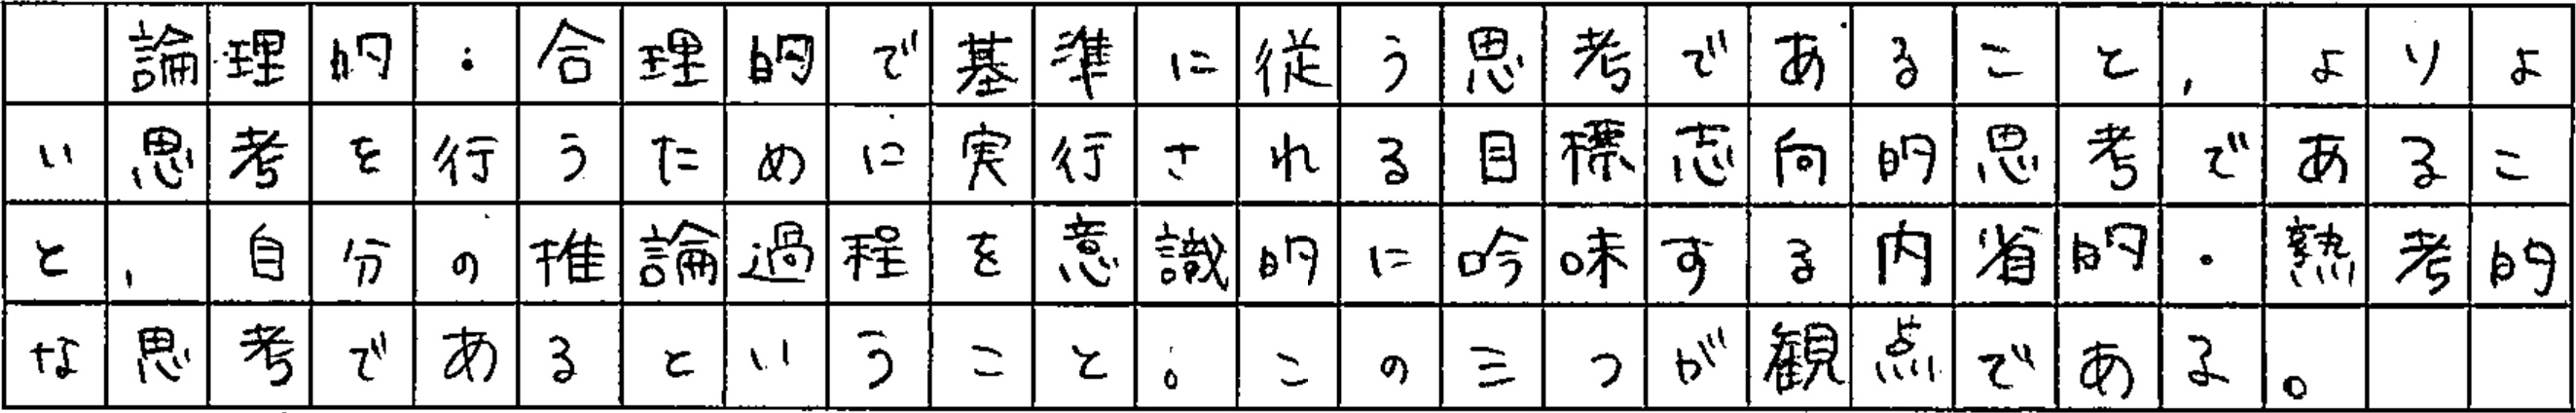　論理的・合理的で基準に従う思考であること、よりよい思考を行うために実行される目標志向的思考であること、自分の推論過程を意識的に吟味する内省的・熟考的な思考であるということ。この三つが観点である。
